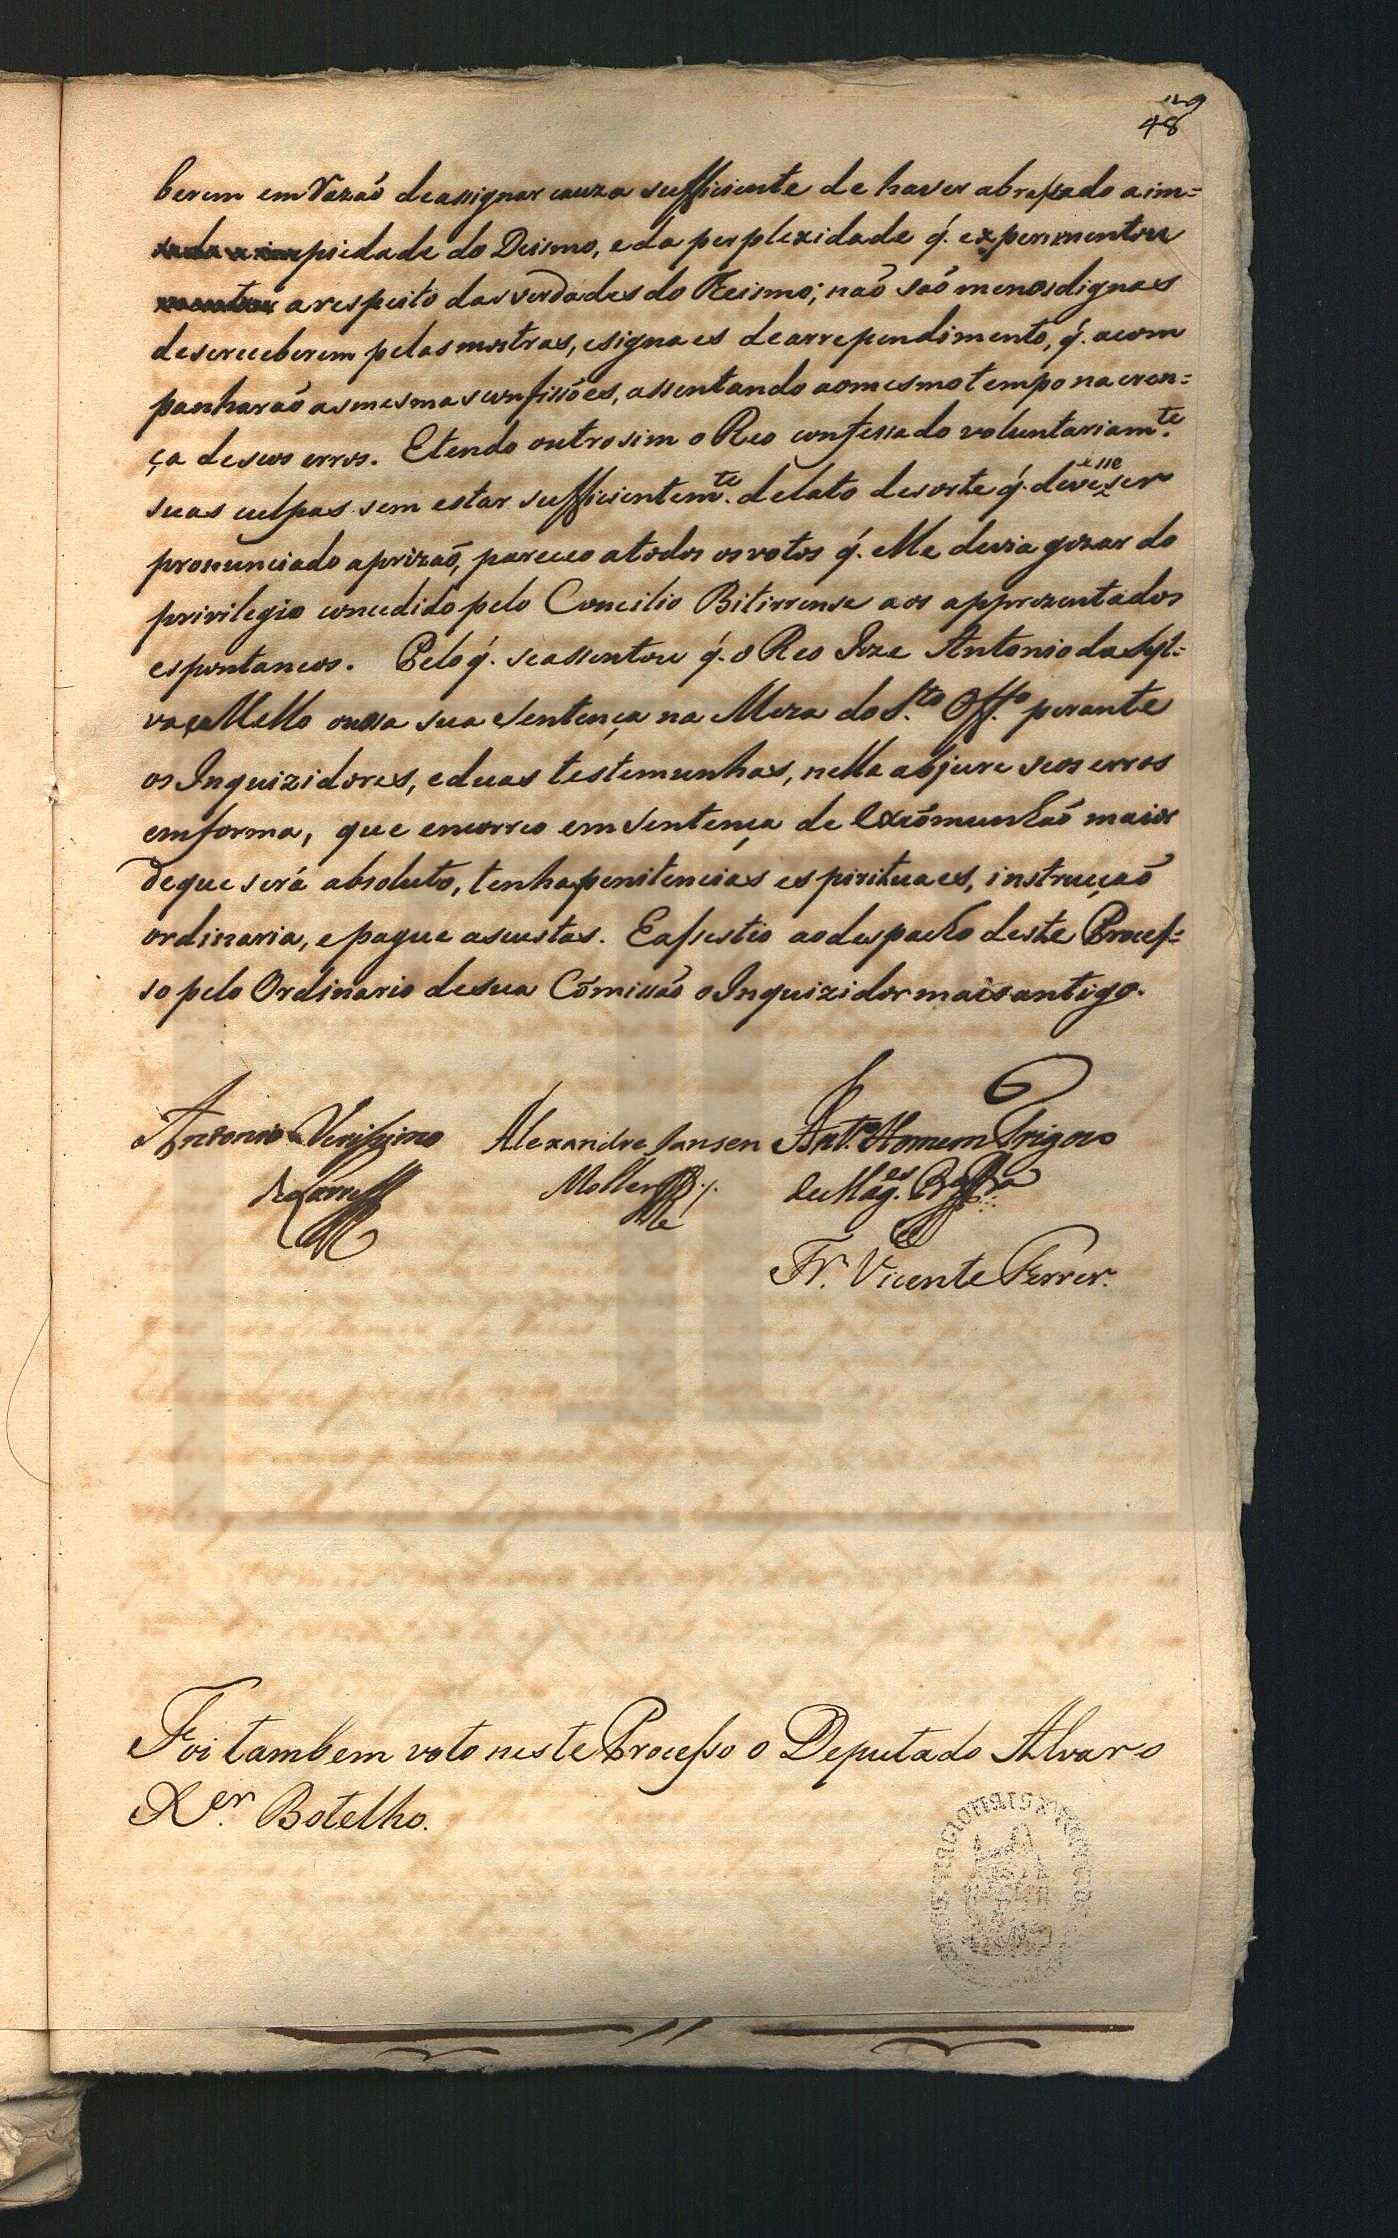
berem em Razaõ de assignar couza sufficiente de haver abrassado a im
piedade do Deismo, e da perplexidade q̄ experimentou
a respeito das verdades do Theismo; naõ saõ menos dignas
de se receberem pelas mostras, e signaes de arrependimento, q̄ acom
panharaõ as mesmas confissões, assentando ao mesmo tempo na cren
ça de seos erros. E tendo outrosim o Reo confessado voluntariam.te
suas culpas sem estar sufficientem.te delato de sorte q̄ devesse ser
pronunciado a prizaõ, pareceo a todos os votos q̄ elle devia gozar do
privilegio concedido pelo Concilio Bitirrense aos apprezentados
espontaneos. Pelo q̄ se assentou q̄ o Reo Ioze Antonio da Syl
va, e Mello oussa sua sentença na Meza do S.to Off.o perante
os Inquizidores, e duas testemunhas, nella abjure seos erros
em forma, que encorreo em sentença de Excomunhaõ maior
de que será absoluto, tenha penitencias espirituaes, instruççaõ
ordinaria, e pague as custas. E assestio ao despacho deste Proces
so pelo Ordinario de sua Cōmissaõ o Inquizidor mais antigo.
Antonio Verissimo
de Larre
Alexandre Jansen
Moller
Ant.o Homem Trigozo
de Mag.es Pra
Fr. Vicente Ferrer.
Foi tambem voto neste Processo o Deputado Alvaro
X.er Botelho.
